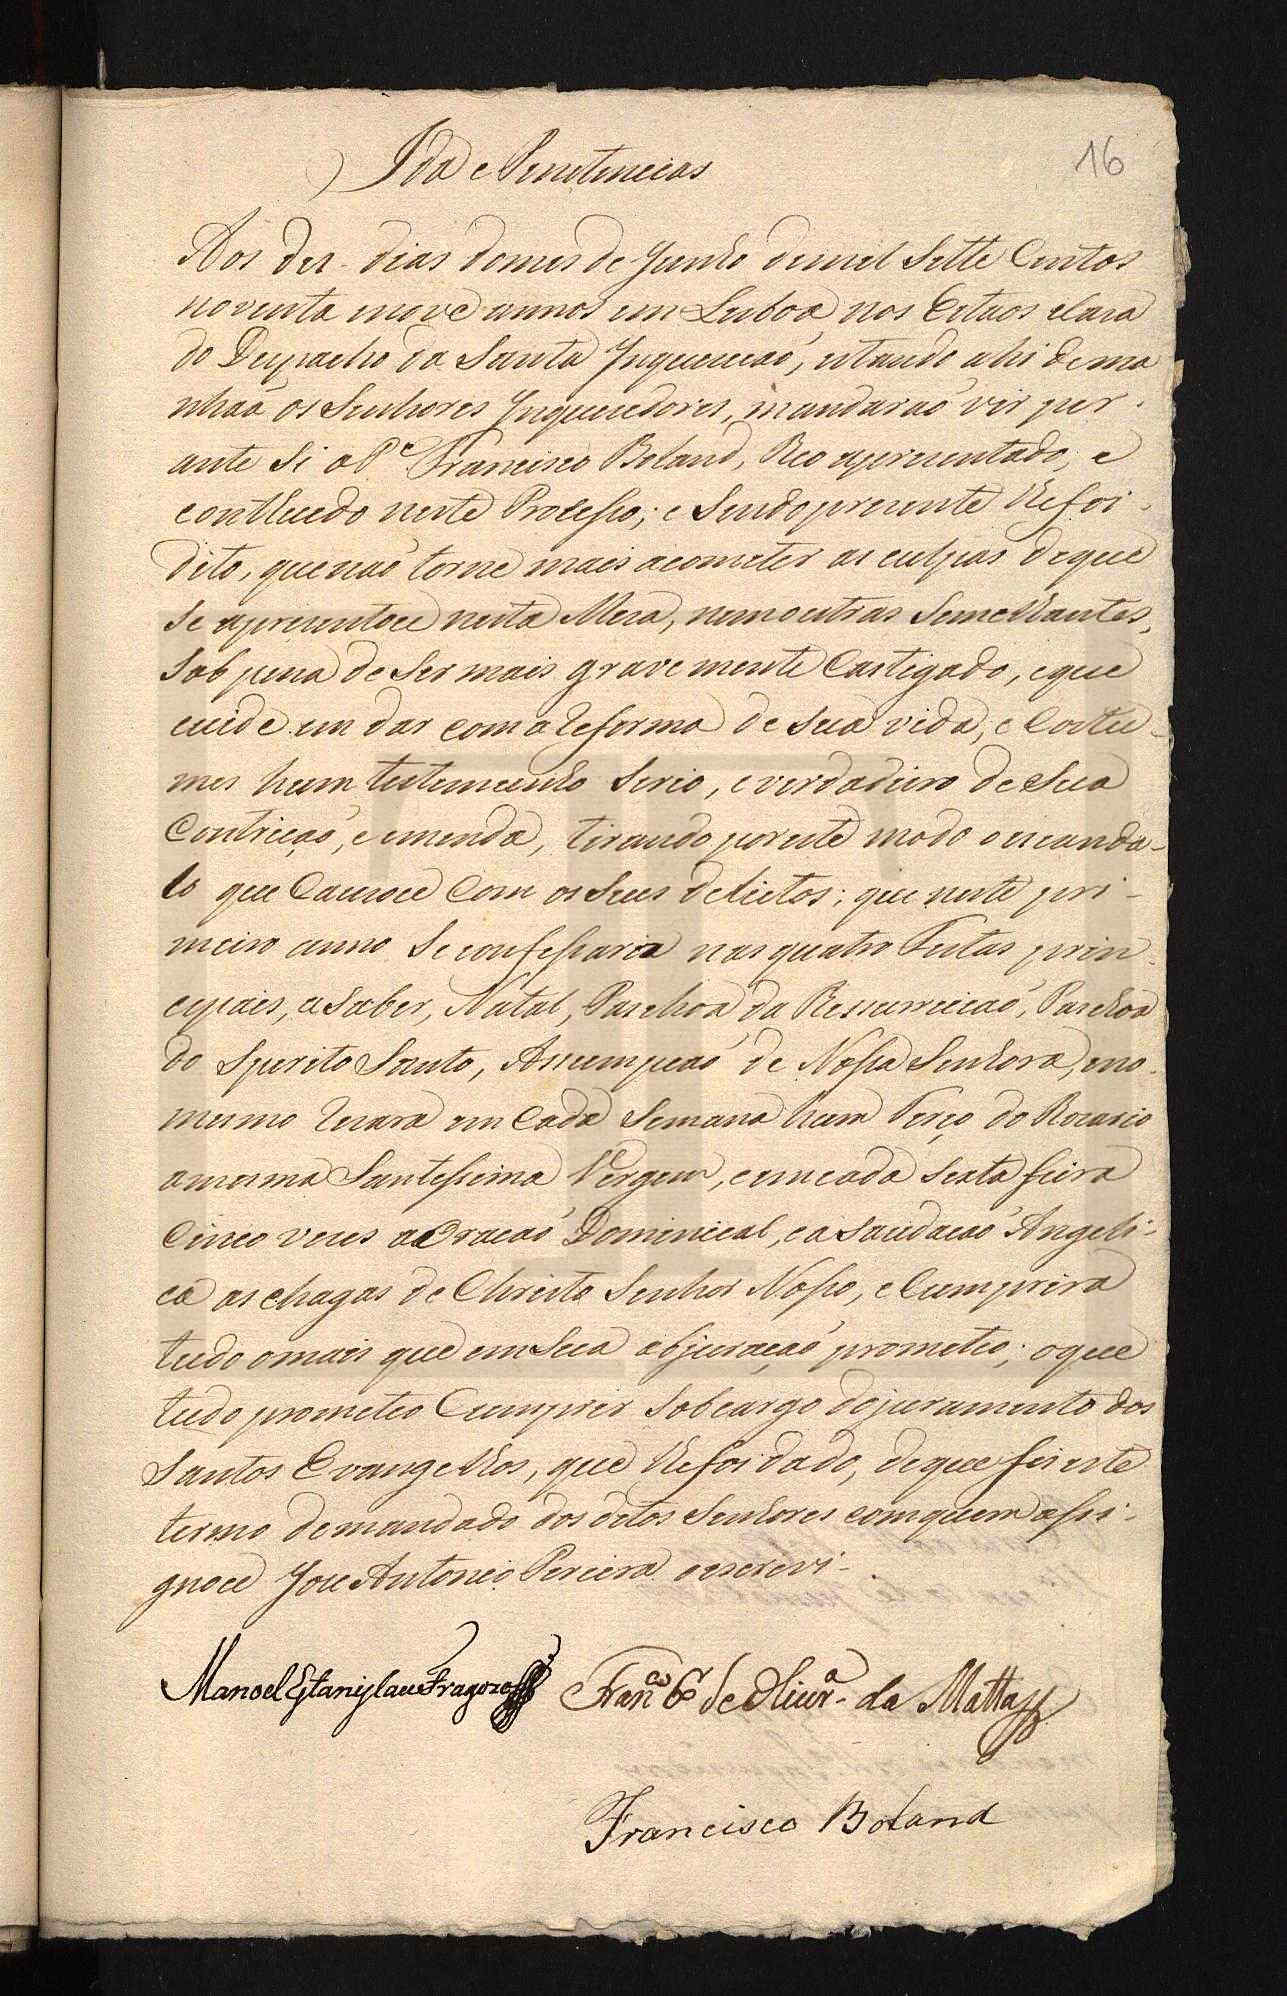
Ida e Penetencias
Aos des dias do mes de Junho de mil SetteCentos
noventa e nove annos em Lisboa nos Estaos e caza
do Despacho da Santa Jnquizicaõ, estando ahi de ma
nhaã os Senhores Jnquizidores, mandaraõ vir per
ante Si o P.e Francisco Boland, Reo aprezentado, e
contheudo neste Processo; e sendo prezente lhe foi
dito, que naõ torne mais a cometer as culpas de que
se aprezentou nesta Meza, nem outras semelhantes
sob pena de ser mais gravemente castigado, e que
cuide em dar com a Reforma de sua vida, e Costu
mes hum testemunho serio, e verdadeiro de sua
contriçaõ, e emenda, tirando por este modo o escanda
lo que cauzou com os seus delictos; que neste pri
meiro anno se confessaria nas quatro Festas prin
cipais, a saber, Natal, Paschoa da Ressurreicaõ, Paschoa
do Spirito Sancto, Assumpcaõ de Nossa Senhora, e no
mesmo Rezara em cada semana hum Terço do Rozario
a mesma Santessima Vergem, e em cada sexta feira
cinco vezes a Oraçaõ Dominical, e a saudacaõ Angeli
ca as chagas de Christo Senhor Nosso, e Cumprira
tudo o mais que em sua abjuraçaõ prometeo; o que
tudo prometeo Cumprir sob cargo do juramento dos
Santos Evangelhos, que lhe foi dado, de que fis este
termo de mandado dos ditos Senhores com quem assi
gnou Joze Antonio Pereira o escrevi
Manoel Estanislau Fragozo Fran.co X.r de Olivr.a da Matta
Francisco Boland
